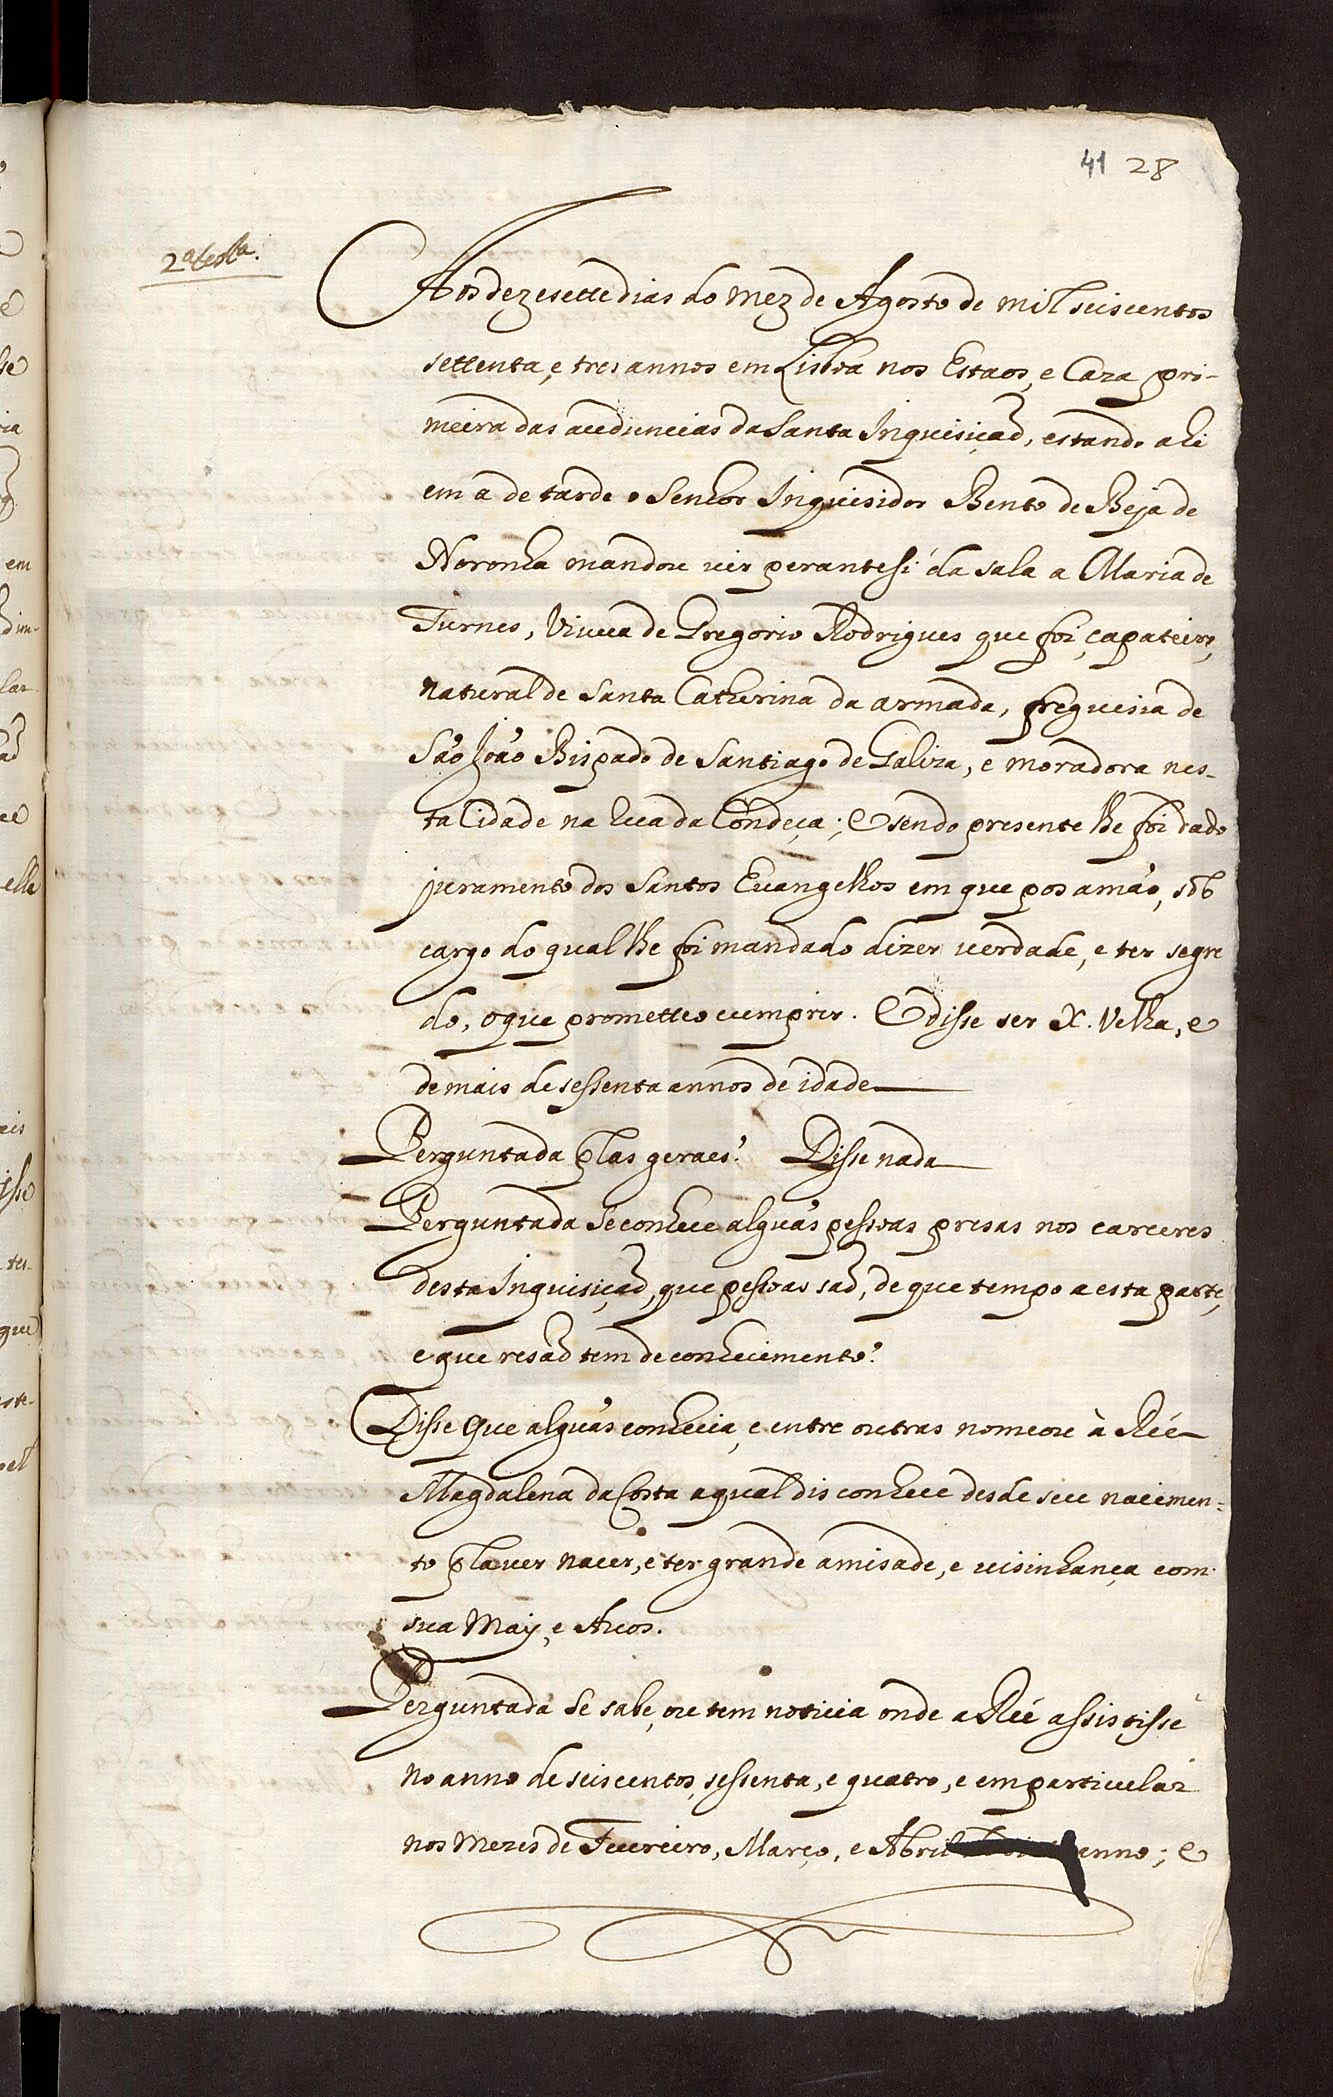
Aos dezesette dias do mez de Agosto de mil seiscentos
settenta, e tres annos em Lisboa nos Estaos, e Caza pri
meira das audiencias da Santa Jnquisiçaõ, estando ahi
em a de tarde o Senhor Jnquisidor Bento de Beja de
Noronha mandou vir perante si da sala a Maria de
Turnes, viuua de Gregorio Rodrigues que foi çapateiro
natural de Santa Catherina da armada, freguesia de
São João Bispado de Santiago de Galiza, e moradora nes
ta Cidade da Rua da Condeça; e sendo presente lhe foi dado
juramento dos Santos Euangelhos em que pos a mão, sob
cargo do qual lhe foi mandado dizer verdade, e ter segre
do, o que prometteo cumprir. E disse ser x. velha, e
de mais de sessenta annos de idade
Perguntada plas geraes? Disse nada
Perguntada se conhece alguās pessoas presas nos carceres
desta Jnquisiçaõ, que pessoas saõ, de que tempo a esta parte,
e que resaõ tem de conhecimento?
Disse que alguās conhecia, e entre outras nomeou à Rée
Magdalena da Costa a qual dis conhece desde seu nacimen
to pla ver nacer, e ter grande amisade, e uisinhança com
sua may, e Auos.
Perguntada se sabe, ou tem noticia onde a Reé assistisse
no anno de seiscentos, e sessenta, e quatro, e em particular
nos mezes de Feuereiro, Março, e Abril _ enno; e
